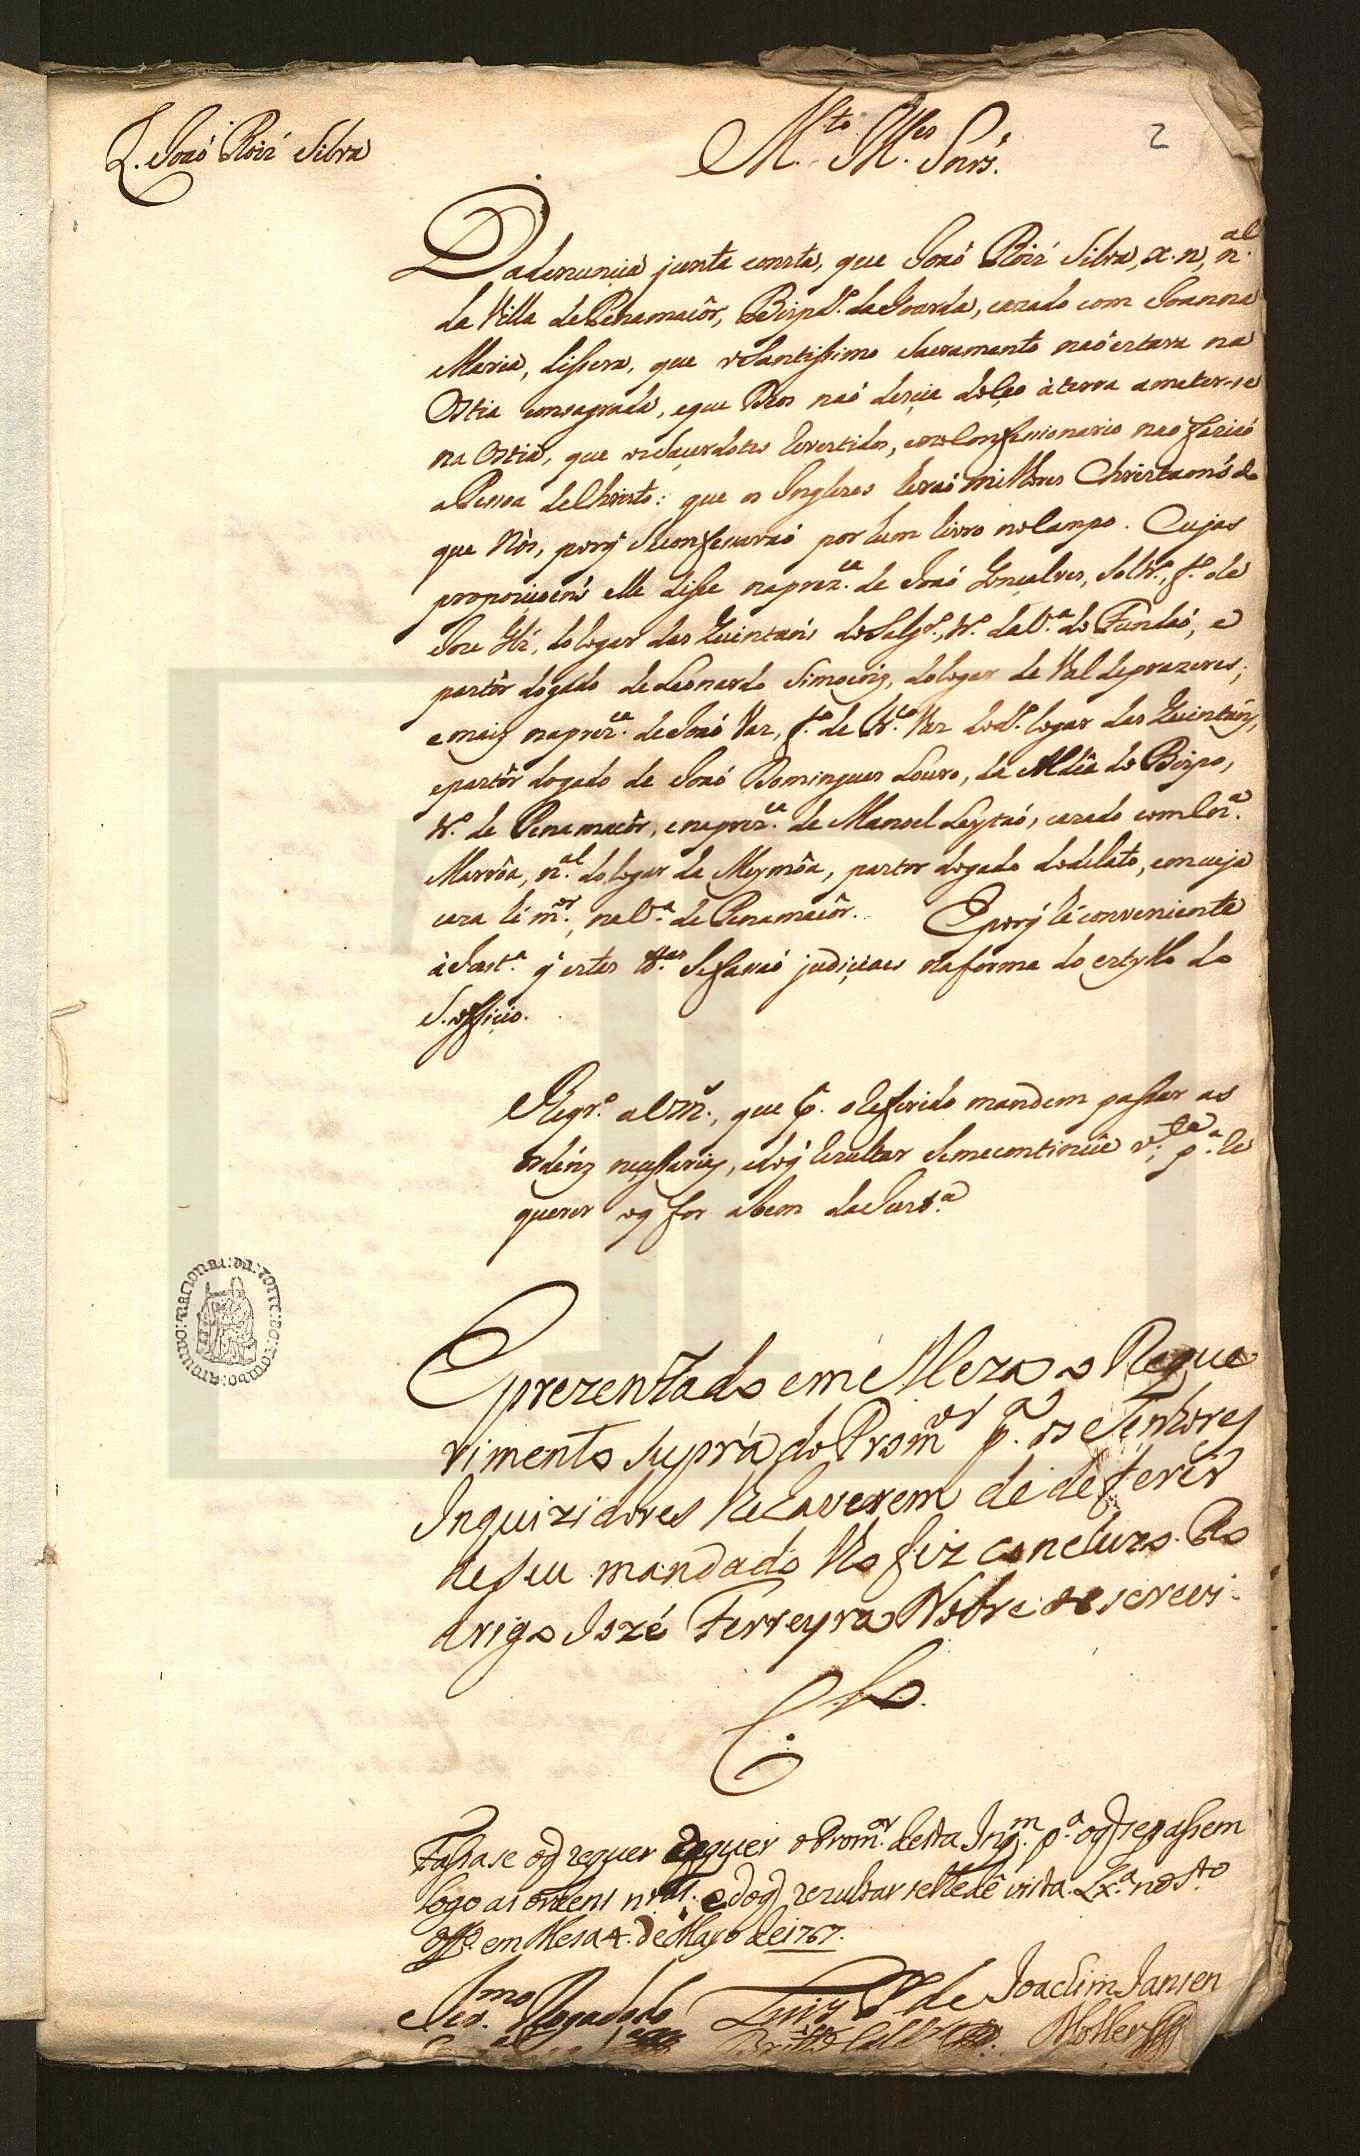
L. Ioaõ Roiz̄ Silva
M.to Illes Snrs̄.
Da denunçia junta consta, que Ioaõ Roiz̄ Silva, x.n, nal.
da Villa de Penamacôr, Bispd.o da Guarda, cazado com Ioanna
Maria, dissera que o Santissimo Iuramento naõ estava na
Ostia consagrada, e que Deos naõ desçia do Çeo à terra a meter-se
na Ostia, que os Saçerdotes Revestidos, e no Confissionario nao faziaõ
a Pessoa de Christo: que os Inglezes heraõ milhores Christaons̄ do
que Nòs, porq̄ Se confessavaõ por hum livro no Campo. Cujas
propoziçoens̄ elle disse na prez.ca de Ioaõ Gonçalves, Soltr.o f.o de
Ioze Glz̄, do Logar das Quintans̄ do Salgr.o, tr.o da V.a do Fundaõ, e
pastôr do gado de Leonardo Simoenz̄, do logar de Val de prazeres;
e mais na prez.ca de Ioaõ Vaz, f.o de Fr.co Vaz do d.o logar das Quintans,
e pastôr do gado de Ioaõ Domingues Louro, da Aldêa do Bispo,
tr.o de Penamacôr, e na prez.ca de Manoel Leytaõ, cazado com Cn.a
Marrôa, n.al do logar de Maymôa, pastor do gado do delato, em cuja
caza hé m.or, na V.a de Penamacôr.
E porq̄ hé conveniente
à Iust.a q̄ estas tt.as Se fassaõ judiçiaes na forma do estyllo do
S. offiçio.
Reqr.o a VM̄., que p.a o Referido mandem passar as
ordens neçessarias, e do q̄ Rezultar Se me continûe v.ta; p.a Re
querer o q for a bem de Iust.a
E prezentando em Meza o Reque
rimento suprá do Prom.or p.a os Senhores
Inquizidores lhe haverem de deferir
de seu mandado lho fiz concluzo Ro
drigo Iozé Ferreyra Nobre o escrevi
C.lo
Fassa se o q̄ requer e quer o Prom.or desta Inq.m p.a o q̄ se passem
logo as ordens nr.as e do q̄ Rezultar se lhe dê vista. Lx.a no s.to
offo. em Mesa 4. de Mayo de i767.
